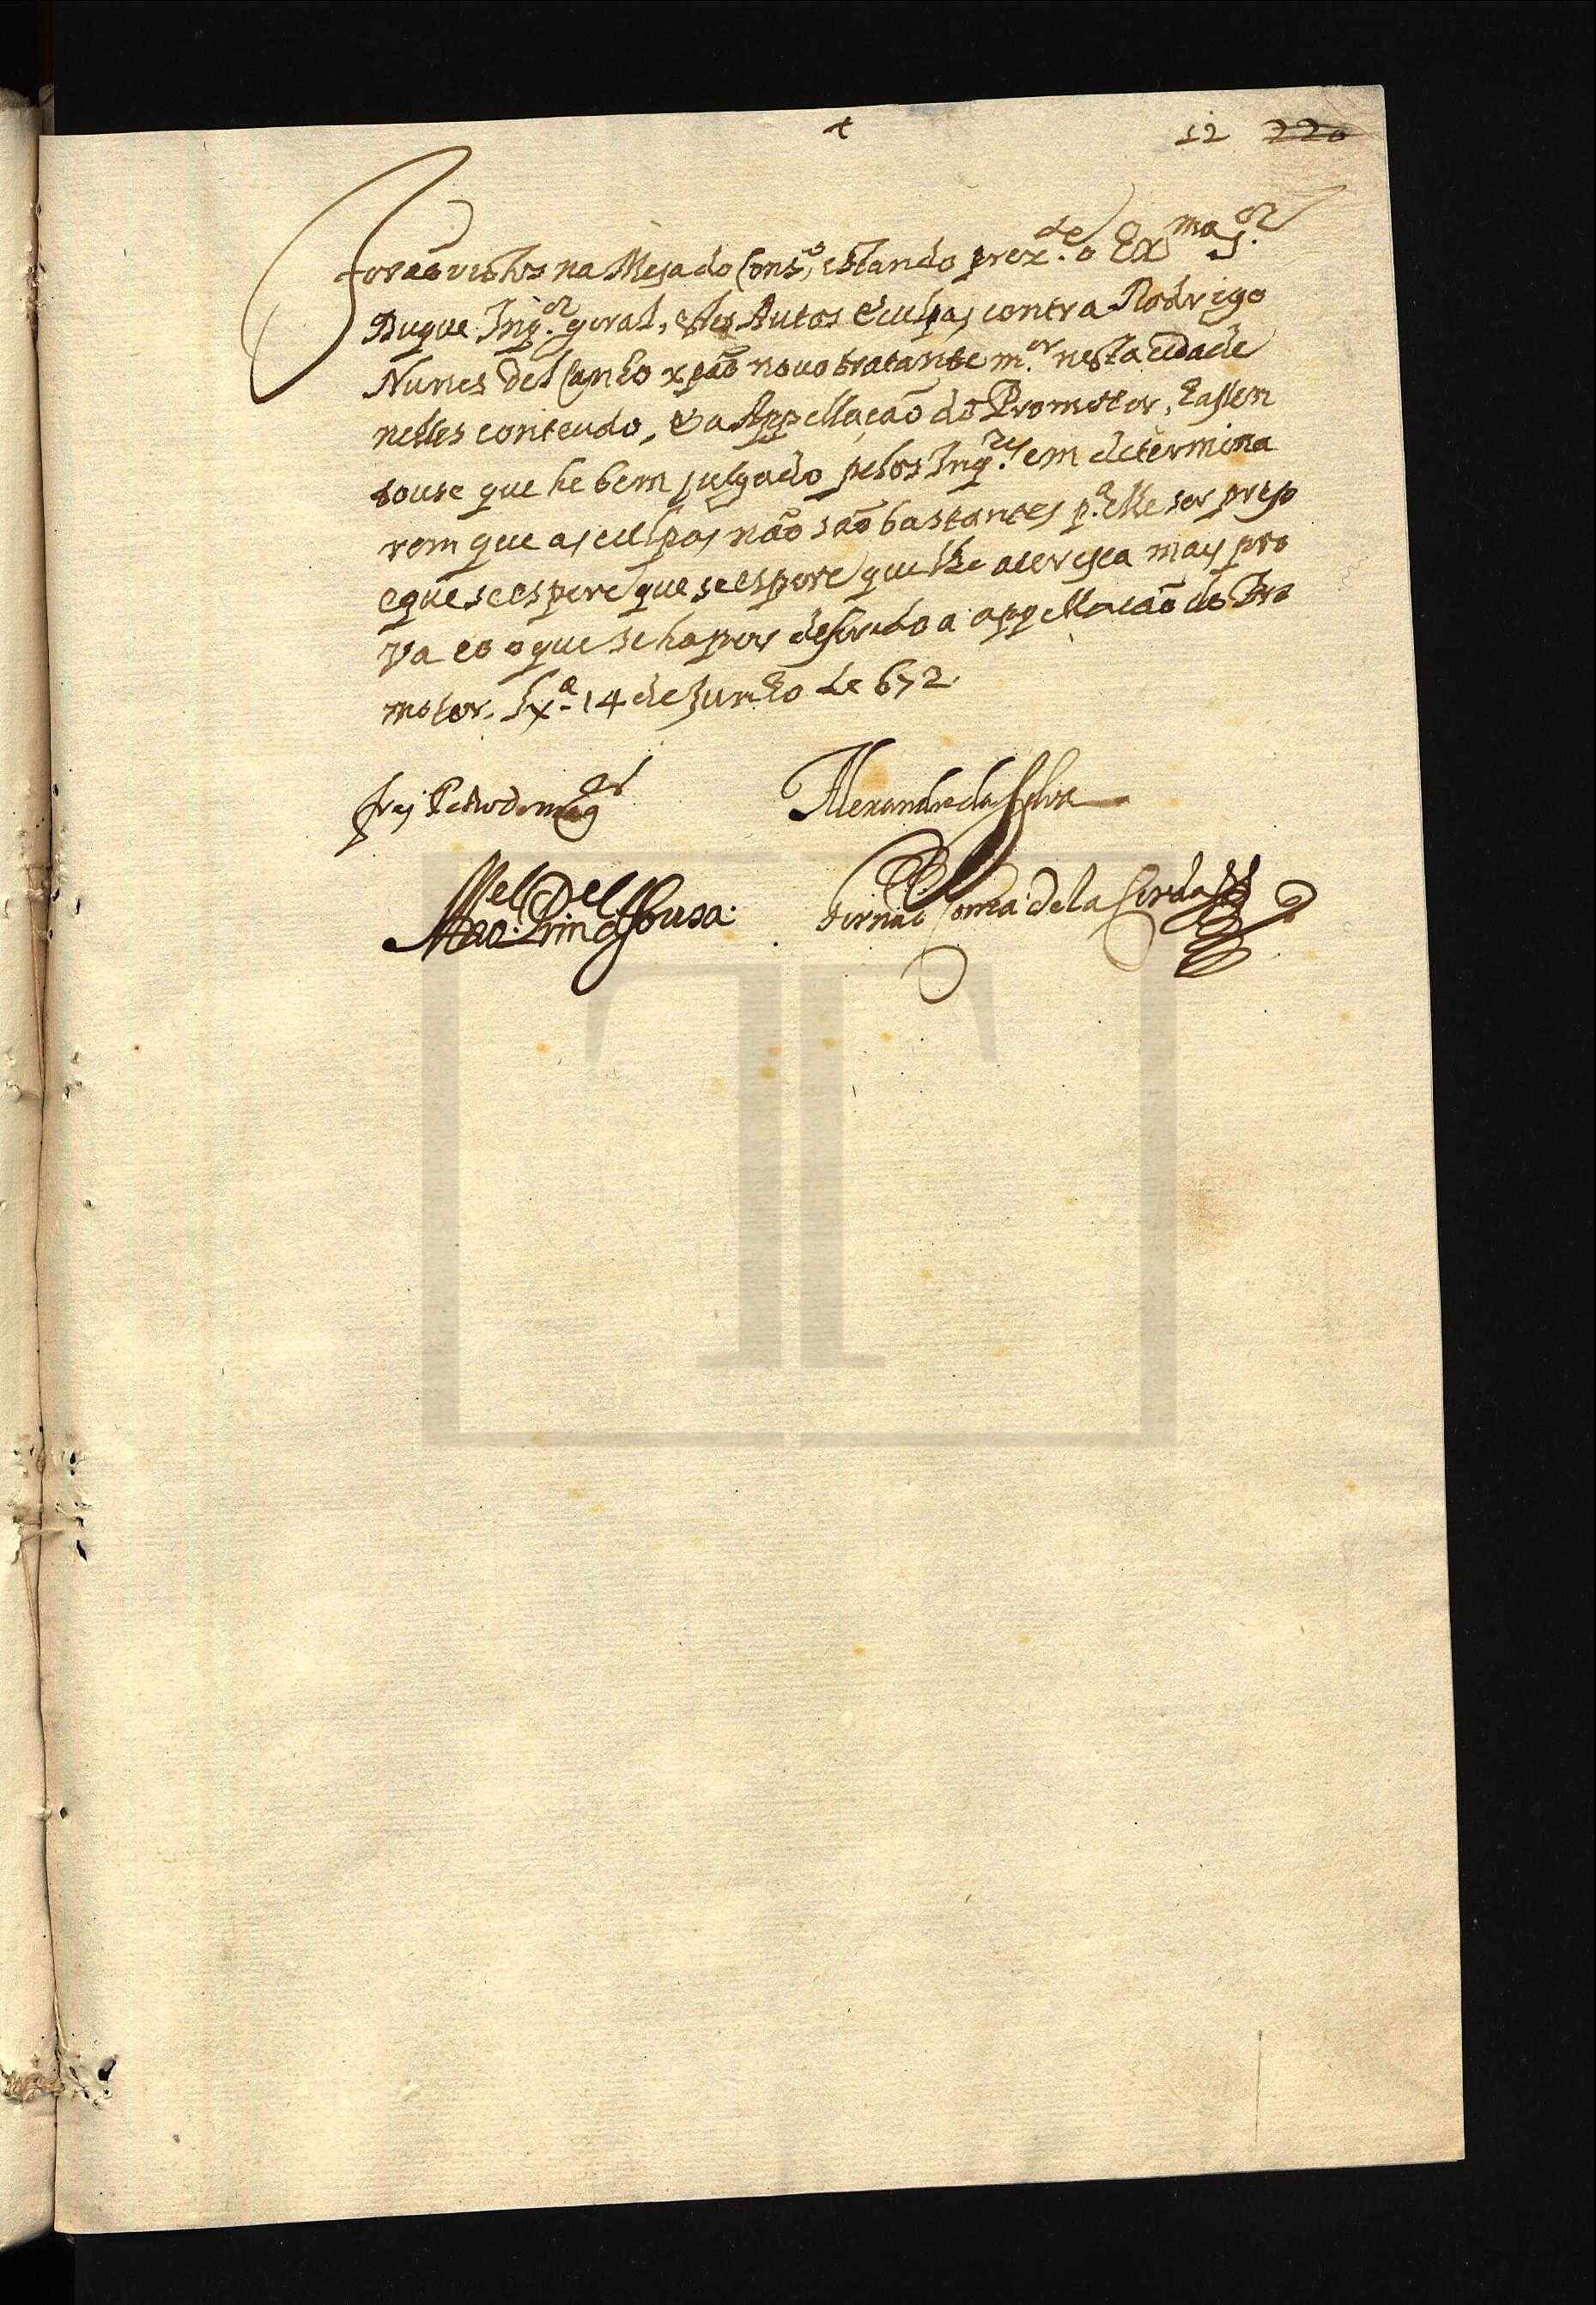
Foraõ vistos na Mesa do Cons.o estando prez.te o Ex.mo S.or
Duque Inq.or geral, estes Autos e culpas contra Rodrigo
Nunes del Canho xpaõ nouo tratante m.or nesta cidade
nelles conteudo, e a Appellaçaõ do Promotor, E assen
touse que he bem julgado pelos Inq.res em determina
rem que as culpas naõ saõ bastantes p.a elle ser preso
e que se espere que se espere que lhe accresca mais pro
va co o que se ha por deferido a appellaçaõ do Pro
motor. Lxa 14 de Junho de 672.
Alexandre da Sylva
frej Pedro de mages
Fernaõ Correa de la Cerda
Mao.el Pimel d̄ Sousa
